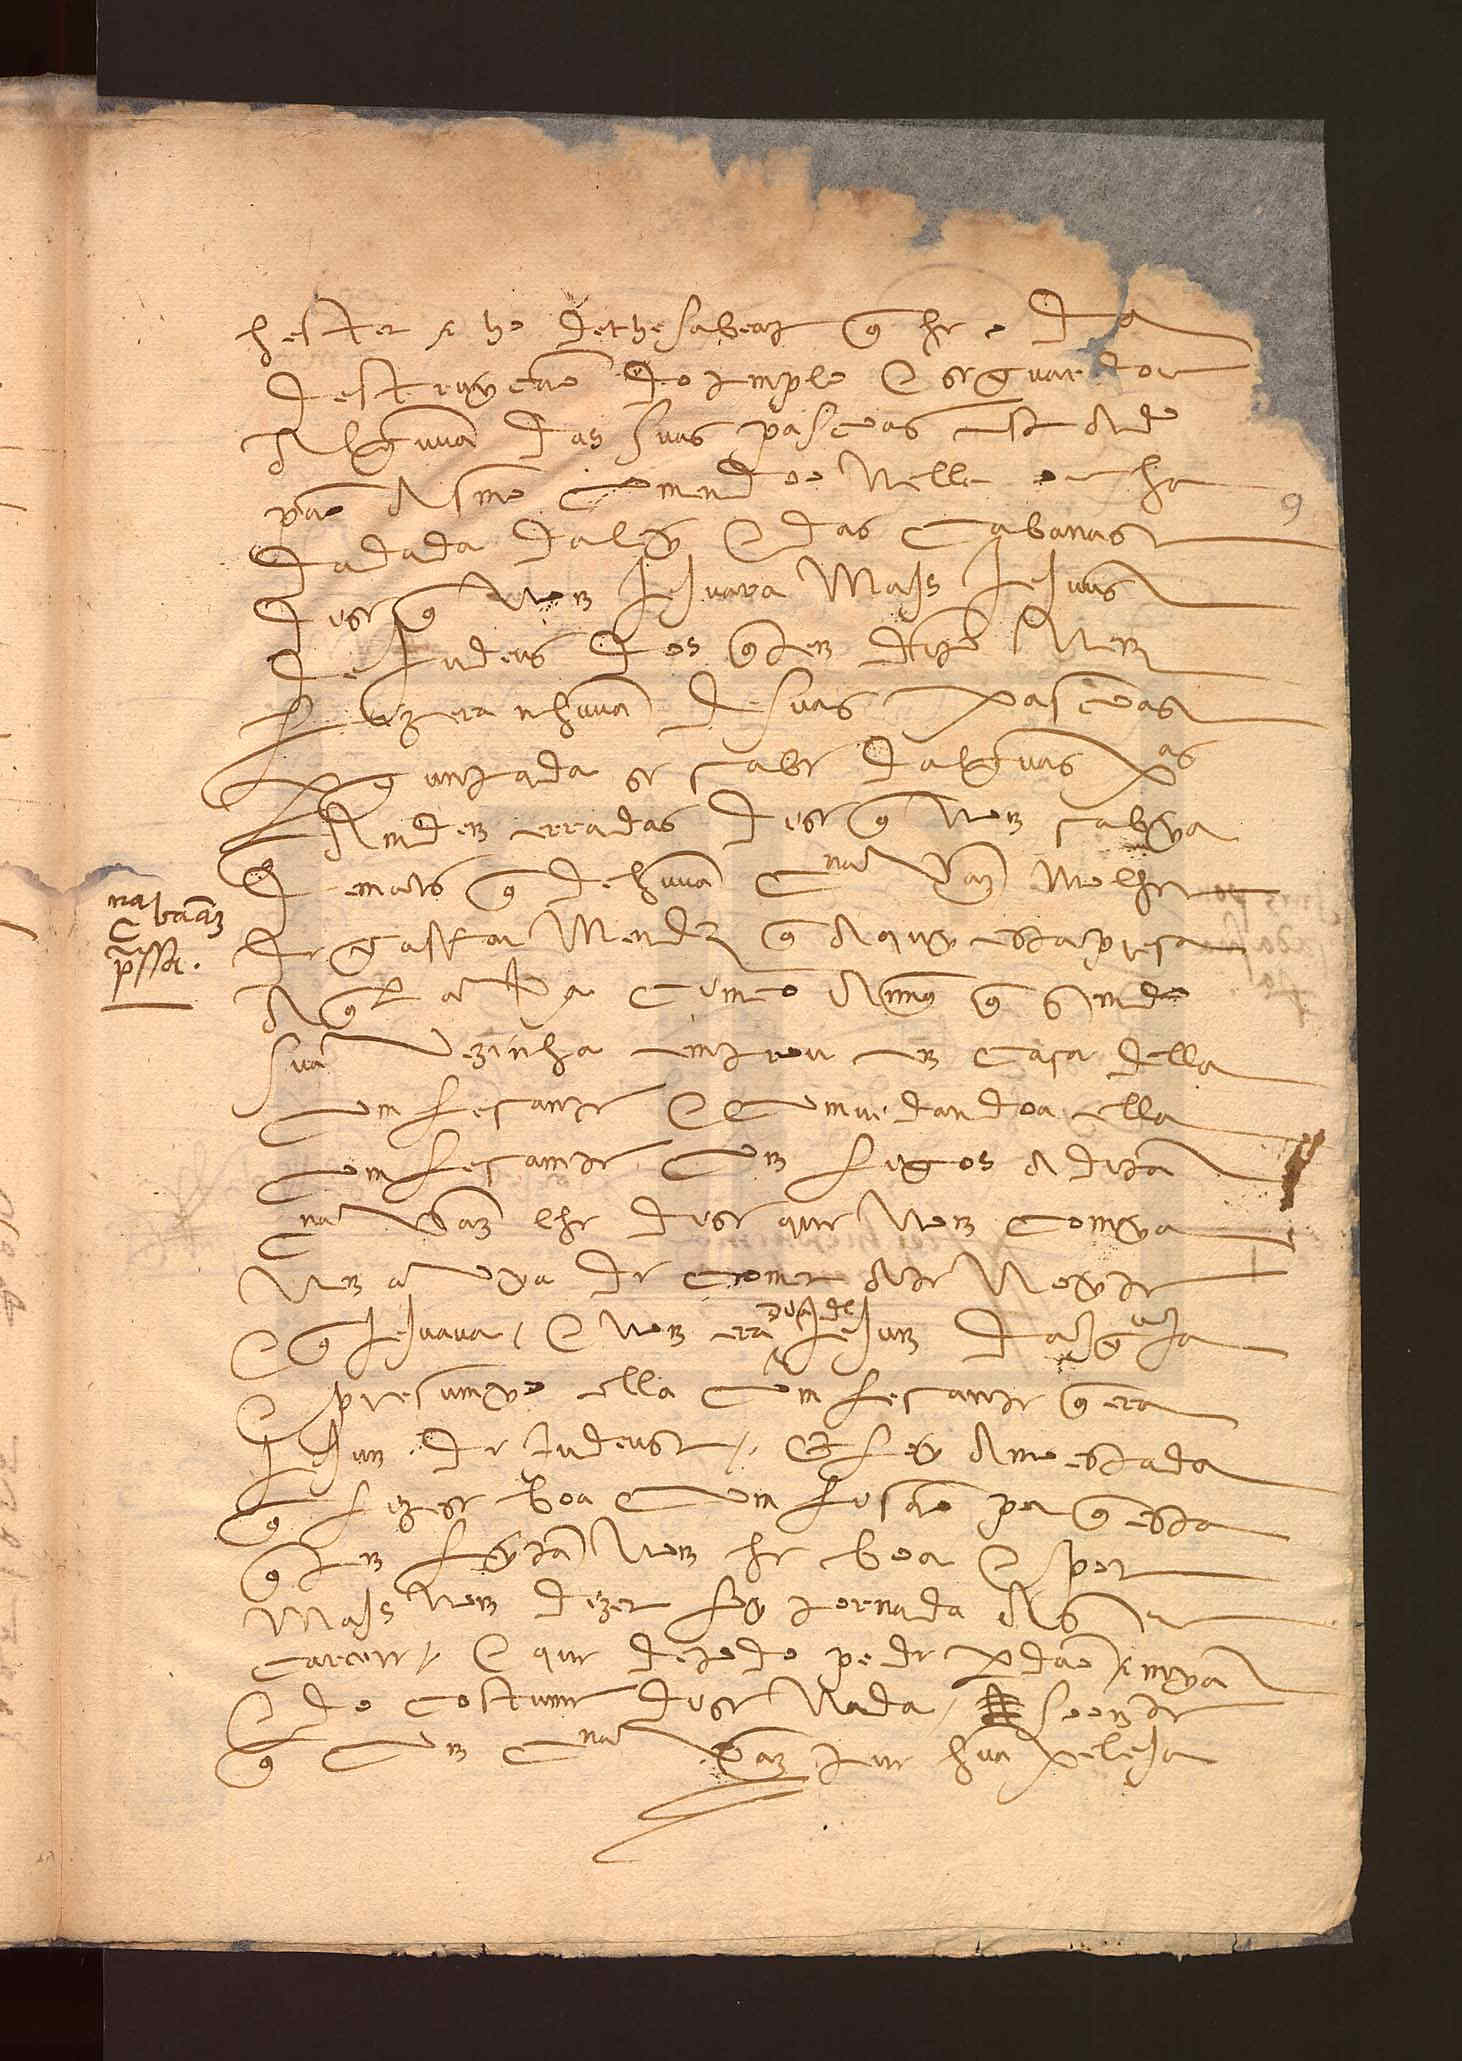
Cna Vaāz
p̄ssa.
hester e ho de thesabeat q̄ he o da
destruyção do templo e se guardou
Algūua das suas pascoas .s. A do
pão Asmo comendoo Nella ou ha
da dada da ley e das Cabanas
dise q̄ nom JeJuara Majs JeJuūs
de Judeus dos q̄ tem dīto Nem
fizera nhūua de suas pascoas
ꝑguntada se sabe dalgūas pas
q̄ Amdem erradas dise q̄ nom sabya
de majs q̄ de hūua Cna Vāz molher
de gaspar Mendez q̄ Aquy esta presa
A q̄l aꝟa cimco Ann̄ꝯ q̄ semdo
sua vezinha emtrou em casa della
Comfesante e comuidandoa ella
Comfesamte com figos A ditā
Cna Vāz lhe dise que Nom comya
nem avya de comer Ate Noyte
dia de
e q̄ JeJuaua / e nom era JeJum da JgrJa
e presumyo ella comfesante q̄ era
JeJum de Judeus /. E foy Amoestada
q̄ fizese boa Comfisão porq̄ esta
q̄ tem feyta nom he boa e por
majs nom dizer foy tornada A seu
carcere / e que de todo pede ꝑdão e myā
e do costume dise Nada / A soomte
q̄ Com Cna Vāz tem hūa peleJa
